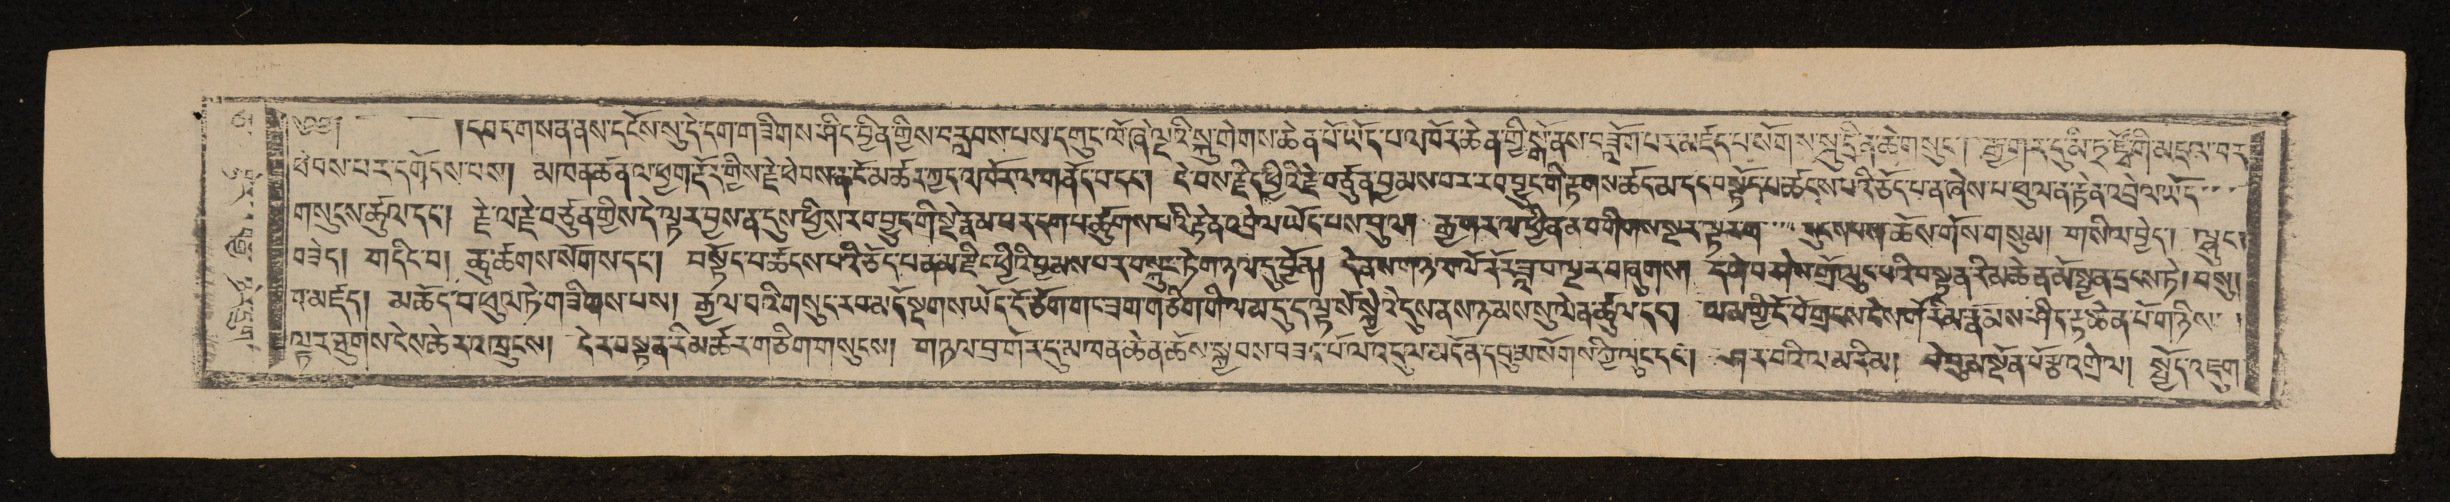༄༅། །དབང་གསན་ནས་དངོས་སུ་དེ་དག་གཟིགས་ཤིང་བྱིན་གྱིས་བརླབས་པས་དགུང་ལོ་ཞེ་ལྔའི་སྐུ་གེགས་ཆེན་པོ་ཡོད་པ་འཁོར་ཆེན་གྱི་སྒོ་ནས་བཟློག་པར་མཛད་པ་སོགས་སྐུ་དྲིན་ཆ་གསུང་། རྒྱ་གར་དུ་མི་ཏྲ་ཛྭོ་གི་མཇལ་བར་
ཕེབས་པར་དགོངས་པས། མཁན་ཆེན་ལ་ཕྱག་རྡོར་གྱིས་རྗེ་ཕེབས་ན་ངོ་མཚར་ཀྱང་འཁོར་ལ་གནོད་པ་དང་། དེ་བས་རྫིང་ཕྱིའི་རྗེ་བཙུན་བྱམས་པར་རབ་བྱུང་གི་རྟགས་ཚང་མ་དང་བསྟོད་པ་ཚངས་པའི་ཅོད་པན་ཞེས་པ་ཕུལ་ན་རྟེན་འབྲེལ་ཡོད་
གསུངས་ཚུལ་དང་། རྗེ་ལ་རྗེ་བཙུན་གྱིས་དེ་ལྟར་བྱས་ན་དུས་ཕྱིས་རབ་བྱུང་གི་སྡེ་རྣམ་པར་དག་པ་ཚུགས་པའི་རྟེན་འབྲེལ་ཡོད་པས་ཕུལ། རྒྱ་གར་ལ་ཕྱིན་ན་བགེགས་སྔར་ལྟར་གསུངས་པས། ཆོས་གོས་གསུམ། གསིལ་བྱེད། ལྷུང་
བཟེད། གདིང་བ། ཆུ་ཚགས་སོགས་དང་། བསྟོད་པ་ཚངས་པའི་ཅོད་པན་མ་རྫིད་ཕྱིའི་བྱམས་པར་བསྐུར་ཏེ་གཉལ་དུ་བྱོན། དེ་ནས་གཉལ་ལོ་རོར་ཟླ་བ་ལྔར་བཞུགས། དགེ་བཤེས་གྲོ་ལུང་བའི་བསྟན་རིམ་ཆེན་མོ་སྤྱན་དྲངས་ཏེ། བསུ་
པ་མཛད། མཆོད་པ་ཕུལ་ཏེ་གཟིགས་པས། རྒྱལ་བའི་གསུང་རབ་མདོ་སྔགས་ཡོད་དོ་ཅོག་གང་ཟག་གཅིག་གི་ལམ་དུ་ད་ལྟ་སོ་སྐྱེའི་དུས་ནས་ཉམས་སུ་ལེན་ཚུལ་དང་། ལམ་གྱི་ངོ་བོ་གྲངས་ངེས་གོ་རིམ་རྣམས་ཤིང་རྟ་ཆེན་པོ་གཉིས་
ལྟར་ཐུགས་ངེས་ཆེར་འཁྲུངས། དེར་བསྟན་རིམ་ཚར་གཅིག་གསུངས། གཉལ་བྲ་གོར་དུ་མཁན་ཆེན་ཆོས་སྐྱབས་བཟང་པོ་ལ་འདུལ་མངོན་དབུ་མ་སོགས་ཀྱི་ལུང་དང་། ཤར་བའི་ལམ་རིམ། བེ་བུམ་སྔོན་པོ་རྩ་འགྲེལ། སྤྱོད་འཇུག་